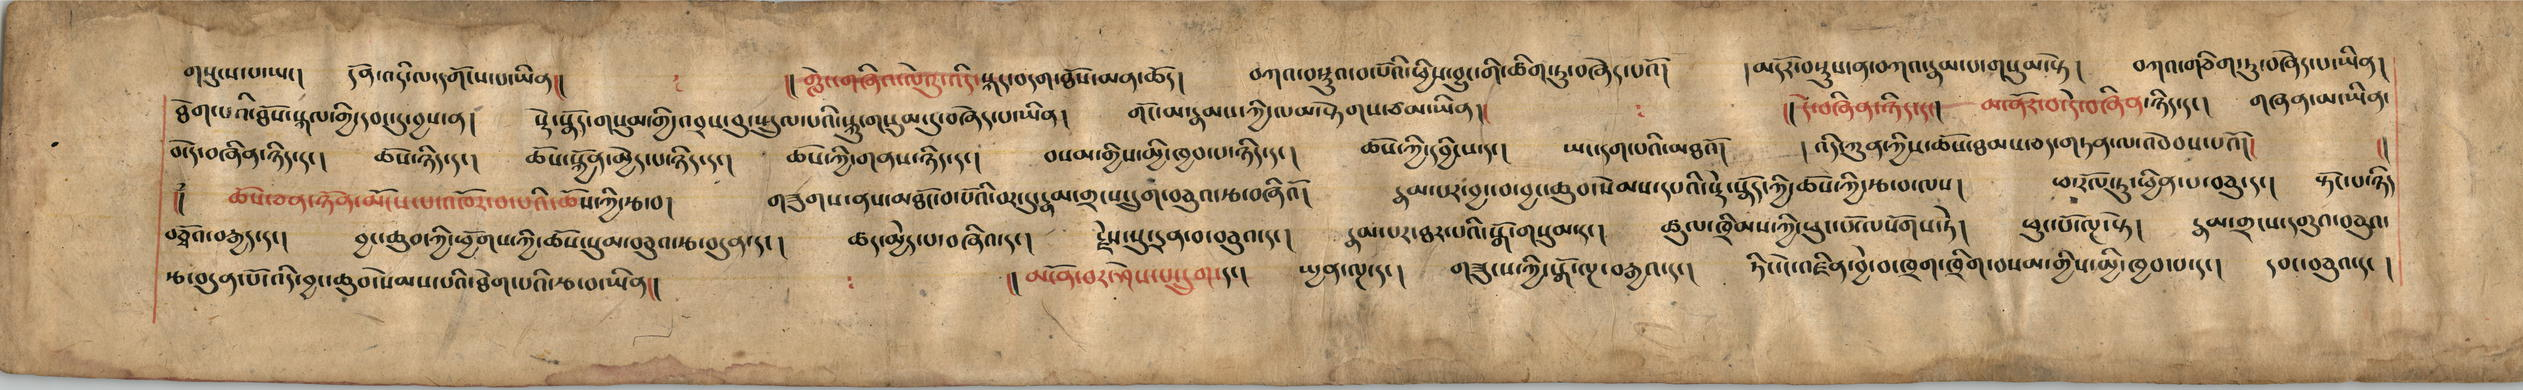གསུངས་པ་ཡང། དོན་འདི་ལ་དགོངས་པ་ཡིན།། །། གླེང་གཞིའ་ལེའུ་འདི་སྐད་བདག་ཐོས་མན་ཆོད། བཀའ་བསྡུའ་བ་པོའི་ཕྱིས་བྱུང་གི་ཚིག་ཏུ་བཞེད་པའོ། །མདོར་བསྡུས་ན་བཀའ་རྣམ་པ་གསུམ་སྟེ། བཀའ་གཅིག་ཏུ་བཞེད་པ་ཡིན།
ཐེག་པའི་ཐོས་སྐལ་གྱི་དབང་དུ་བྱས་ན། སྡེ་སྣོད་གསུལ་གྱི་འབྲས་བུ་སྤྲུལ་པའི་སྐུ་གསུམ་དུ་བཞེད་པ་ཡིན། གོང་མ་རྣམས་ཀྱི་ལམ་སྟེགས་ཙམ་ཡིན།། །། དེ་བཞིན་ཉིད་དང། མ་ནོར་བ་དེ་བཞིན་ཉིད་དང། གཞན་མ་ཡིན་
བ་དེ་བཞིན་ཉིད་དང། ཆོས་ཉིད་དང། ཆོས་སྐྱོན་མྱེད་པ་ཉིད་དང། ཆོས་ཀྱི་གཉས་ཉིད་དང། བསམ་གྱིས་མྱི་ཁྱབ་པ་ཉིད་དང། ཆོས་ཀྱི་དབྱིངས་དང། ཡང་དག་པའི་མཐའོ། ། འདི་ཀུན་ཀྱིས་ཆོས་ཐམས་ཅད་གཏན་ལ་འབེབས་པའོ།།
།། ཆོས་ཅན་ཉོན་མོངས་པ་འཁོར་བ་པའི་ཆོས་ཀྱི་རྩ་བ། གཟུགས་ནས་མཐོང་བ་པོའི་བར་དུ་རྣམ་གྲངས་དྲུག་བཅུའ་རྩ་བཞིའོ། རྣམ་པར་བྱང་བ་བྱང་ཆུབ་སེམས་དཔའི་སྡེ་སྣོད་ཀྱི་ཆོས་ཀྱི་རྩ་བ་ལས། ཕ་རོལ་ཏུ་ཕྱིན་པ་བཅུ་དང། སྟོང་པ་ཉིད
བཅྭོའ་བརྒྱད་དང། བྱང་ཆུབ་ཀྱི་ཕྱོགས་ཀྱི་ཆོས་སུམ་བཅུའ་རྩ་བདུན་དང། ཚད་མྱེད་པ་བཞིའ་དང། རྗེ་སུ་དྲན་བ་ཅུའ་དང། རྣམ་པར་ཐར་པའི་སྒོ་གསུམ་དང། ཚུལ་ཁྲིམས་ཀྱི་ཕུང་པོ་ལསོགས་ཏེ། ཕུང་པོ་ལྔ་སྟེ། རྣམ་གྲངས་དགུའ་བཅུའ་
རྩ་བདུན་པོ་འདི་བྱང་ཆུབ་སེམས་པའི་ཐེགས་པའི་རྩ་བ་ཡིན།། །།མངོན་པར་ཤེས་པ་དྲུག་དང། སྤྱན་ལྔ་དང། གཟུངས་ཀྱི་སྒོ་ལྔ་བརྒྱའ་དང། ཏིང་ངེ་འཛིན་བྱེ་བ་ཁྲག་ཁྲིག་བསམ་གྱིས་མྱི་ཁྱབ་པ་དང། དབང་བཅུའ་དང །